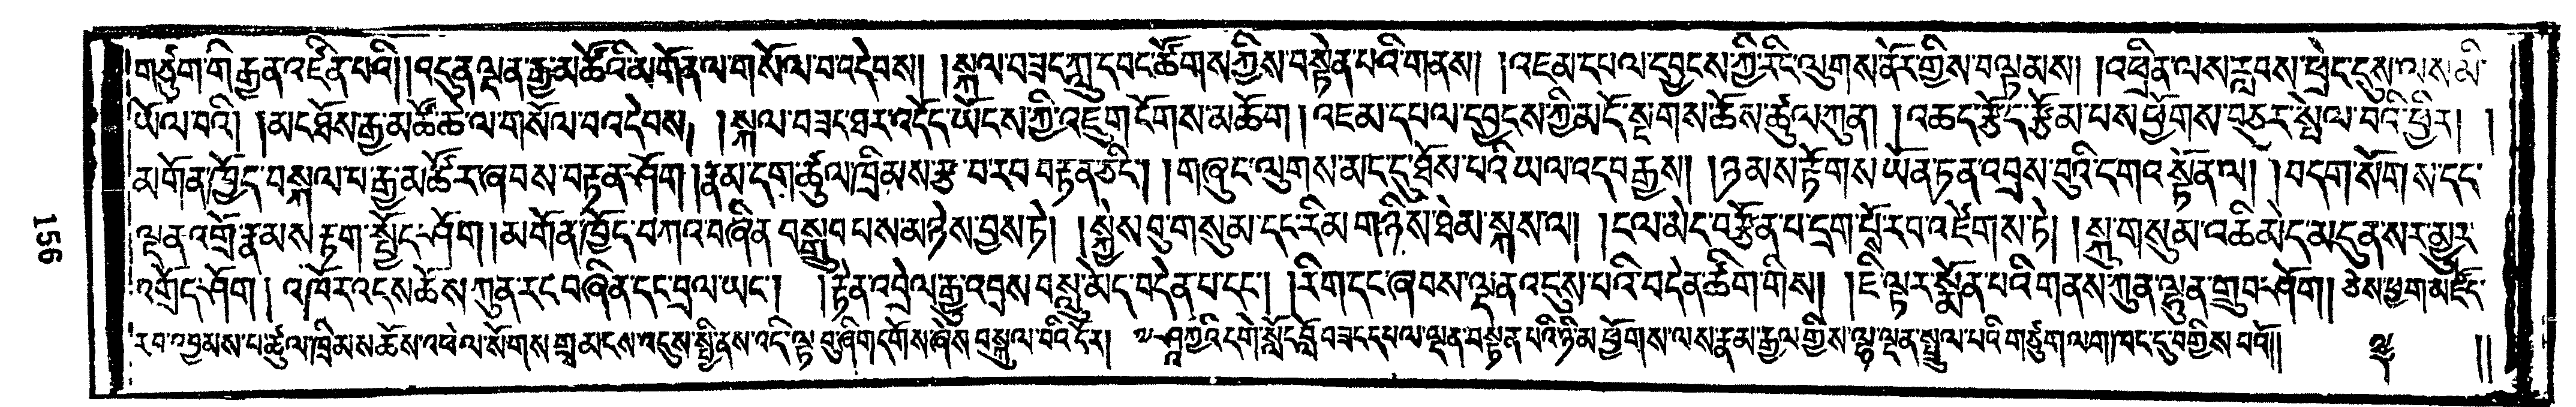གཙུག་གི་རྒྱན་འཛིན་པའི། །འདུན་ལྡན་རྒྱ་མཚོའི་མགོན་ལ་གསོལ་བ་འདེབས། །སྐལ་བཟང་ཀླུ་དབང་ཚོགས་ཀྱིས་བསྟེན་པའི་གནས། །འཇམ་དཔལ་དབྱངས་ཀྱི་རིང་ལུགས་ནོར་གྱིས་བལྟམས། །འཕྲིན་ལས་རླབས་ཕྲེང་དུས་ལས་མི་
ཡོལ་བའི། །མང་ཐོས་རྒྱ་མཚོ་ཆེ་ལ་གསོལ་བ་འདེབས། །སྐལ་བཟང་ཐར་འདོད་ཡོངས་ཀྱི་འཇུག་ངོགས་མཆོག །འཇམ་དཔལ་དབྱངས་ཀྱི་མདོ་སྔགས་ཆོས་ཚུལ་ཀུན། །འཆད་རྩོད་རྩོམ་པས་ཕྱོགས་བཅུར་སྤེལ་བའི་ཕྱིར། །
མགོན་ཁྱོད་བསྐལ་པ་རྒྱ་མཚོར་ཞབས་བརྟན་ཤོག །རྣམ་དག་ཚུལ་ཁྲིམས་རྩ་བ་རབ་བརྟན་ཅིང་། །གཞུང་ལུགས་མང་དུ་ཐོས་པའི་ཡལ་འདབ་རྒྱས། །ཉམས་རྟོགས་ཡོན་ཏན་འབྲས་བུའི་དགའ་སྟོན་ལ། །བདག་སོགས་དང་
ལྡན་འགྲོ་རྣམས་རྟག་སྤྱོད་ཤོག །མགོན་ཁྱོད་བཀའ་བཞིན་བསྒྲུབ་པས་མཉེས་བྱས་ཏེ། །སྐྱེས་བུ་གསུམ་དང་རིམ་གཉིས་ཐེམ་སྐས་ལ། །ངལ་མེད་བརྩོན་པ་དྲག་པོས་རབ་འཛེགས་ཏེ། །སྐུ་གསུམ་འཆི་མེད་མདུན་སར་མྱུར་
འགྲོད་ཤོག། འཁོར་འདས་ཆོས་ཀུན་རང་བཞིན་དང་བྲལ་ཡང་། །རྟེན་འབྲེལ་རྒྱུ་འབྲས་བསླུ་མེད་བདེན་པ་དང་། །རིག་དང་ཞབས་ལྡན་འདུས་པའི་བདེན་ཚིག་གིས། །ཇི་ལྟར་སྨོན་པའི་གནས་ཀུན་ལྷུན་གྲུབ་ཤོག། ཅེས་ཕྱག་མཛོད་
རབ་འབྱམས་པ་ཚུལ་ཁྲིམས་ཆོས་འཕེལ་སོགས་གྲྭ་མངས་འདུས་སྤྱི་ནས་འདི་ལྟ་བུ་ཞིག་དགོས་ཞེས་བསྐུལ་བའི་ངོར། ༧་ཤཱཀྱའི་དགེ་སློང་བློ་བཟང་དཔལ་ལྡན་བསྟན་པའི་ཉི་མ་ཕྱོགས་ལས་རྣམ་རྒྱལ་གྱིས་ལྷ་ལྡན་སྤྲུལ་པའི་གཙུག་ལག་ཁང་དུ་བགྱིས་པའོ།། ༈ །།